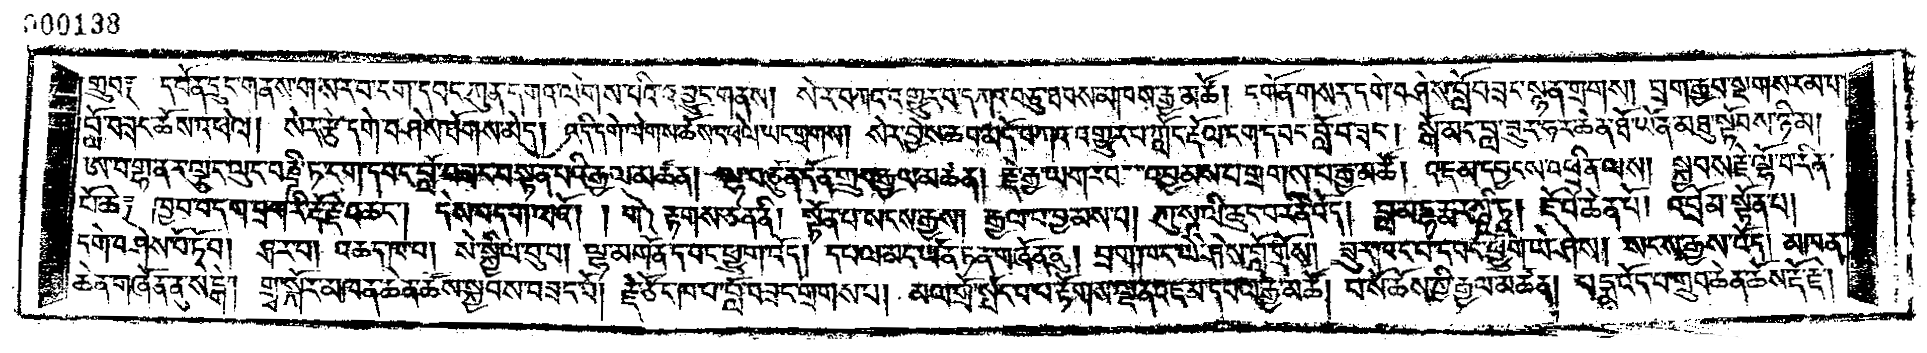གྲུབ༑ དཔོན་དྲུང་གནས་གསར་བ་ངག་དབང་ཀུན་དགའ་ལེགས་པའི་འབྱུང་གནས། སེར་བཀའ་འགྱུར་བ་དཀའ་བཅུ་ཐབས་མཁས་རྒྱ་མཚོ། དགོན་གསར་དགེ་བཤེས་བློ་བཟང་སྙན་གྲགས། བྲག་རྒྱབ་སྔགས་རམ་པ་
བློ་བཟང་ཆོས་འཕེལ། སེར་རྩེ་དགེ་བཤེས་ཐོགས་མེད། འདི་དགེ་ལེགས་ཆོས་འཕེལ་ཡང་གྲགས།  སེར་བྱེས་ཆབ་མདོ་བཀའ་འགྱུར་བ་ཀློང་རྡོལ་ངག་དབང་བློ་བཟང་། སྒོ་མང་བླ་ཟུར་ཧར་ཆེན་ཐོ་ཡོན་མཐུ་སྟོབས་ཉི་མ།
ཨ་བ་གྷ་ན་ར་ལྕང་ལུང་པཎྜི་ཏ་ངག་དབང་བློ་བཟང་བསྟན་པའི་རྒྱལ་མཚན། ལྷ་བཙུན་དོན་གྲུབ་རྒྱལ་མཚན། རྗེ་རྒྱ་ཡག་རབ་འབྱམས་པ་གྲགས་པ་རྒྱ་མཚོ། འཇམ་དབྱངས་འཕྲིན་ལས། སྐྱབས་རྗེ་ལྷོ་བ་རིན་
པོ་ཆེ༑ ཁྱབ་བདག་བྲག་རི་རྡོ་རྗེ་འཆང་། དེས་བདག་ལའོ། །༼ག༽ རྟགས་ཅན་ནི། སྟོན་པ་སངས་རྒྱས། རྒྱལ་བ་བྱམས་པ། ཀུ་སཱ་ལི་ཆུང་བ་རིན་འོད། བླ་མ་དྷརྨརྐྵི་ཏཱ། ཇོ་བོ་ཆེན་པོ། འབྲོམ་སྟོན་པ།
དགེ་བཤེས་པོ་ཏོ་བ། ཤར་བ། འཆད་ཁ་པ། སེ་སྐྱིལ་བུ་བ། ལྷ་མགོན་དབང་ཕྱུག་འོད། དཔལ་མང་ཡོན་ཏན་གཞོན་ནུ། བྲག་ཁང་ཡེ་ཤེས་བློ་གྲོས། ཟུར་ཁང་བ་དབང་ཕྱུག་ཡེ་ཤེས། སངས་རྒྱས་འོད། མཁན་
ཆེན་གཞོན་ནུ་སེངྒེ། གྲྭ་སྐོར་མཁན་ཆེན་ཆོས་སྐྱབས་བཟང་པོ། རྗེ་ཙོང་ཁ་པ་བློ་བཟང་གྲགས་པ། མལ་གྲོ་སྤོང་བ་པ་རྟོགས་ལྡན་འཇམ་དཔལ་རྒྱ་མཚོ། བ་སོ་ཆོས་ཀྱི་རྒྱལ་མཚན། པདམ་འོད་པ་གྲུབ་ཆེན་ཆོས་རྡོ་རྗེ།